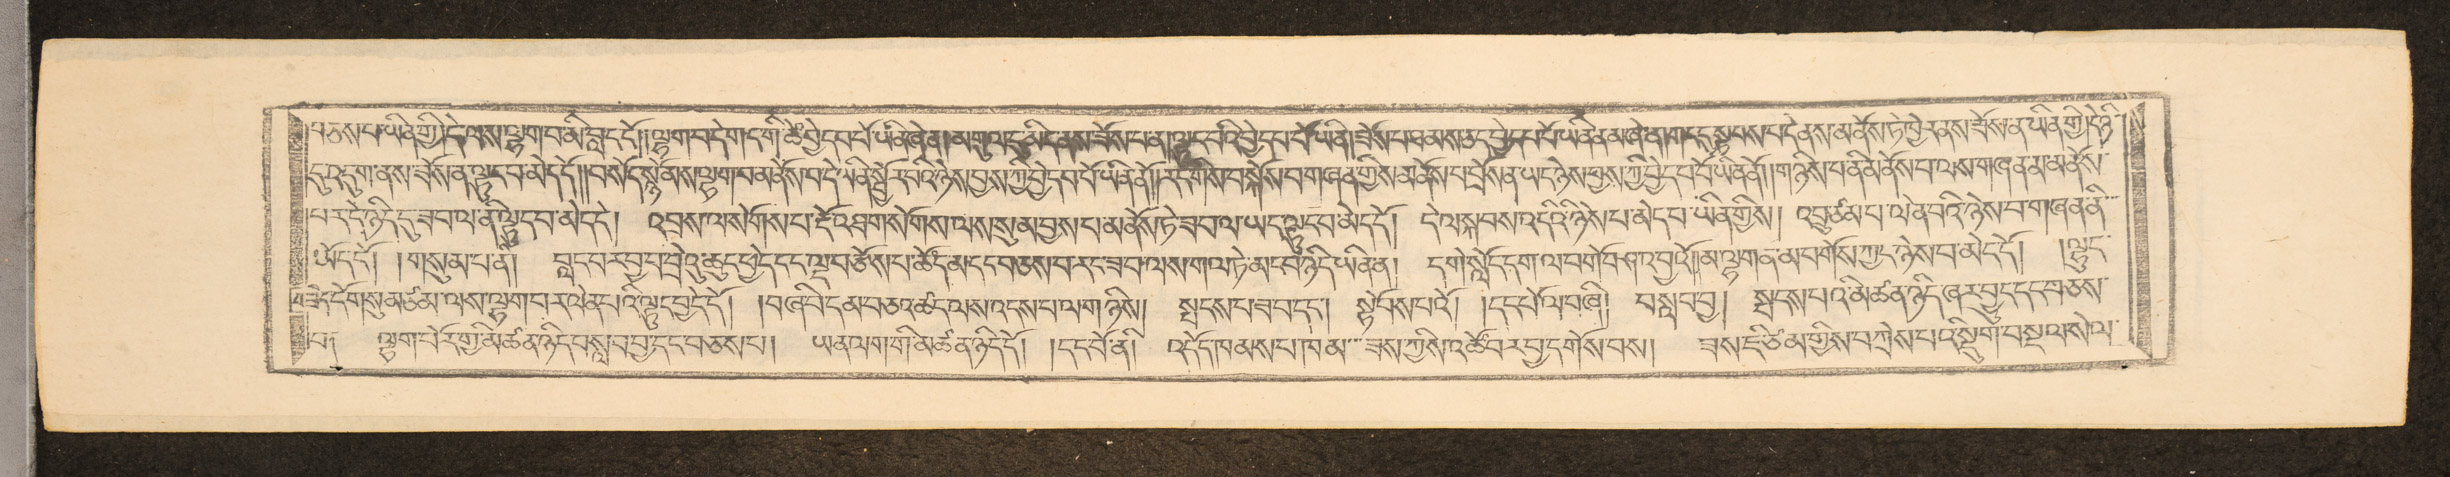བཅས་པ་ཡིན་གྱི། དེ་ལས་ལྷག་པ་མི་བླང་ངོ།།ལྷག་པ་དེ་གང་གི་ཚེ་བྱེད་པ་པོ་ཡིན་ཞེན། མགུལ་དུ་མིད་ནས་ཟོས་པ་ན། ལྟུང་བའི་བྱེད་པ་པོ་ཡིན། ཟོས་པ་ཐམས་ཅད་བྱེད་པ་པོ་ཡིན་ནམ་ཞེན། གང་དུ་སྟབས་བདེ་ནས་མནོས་ཏེ་ཁྱེར་ནས་ཟོས་ན་ཡིན་གྱི། དེ་ཉིད་
དུ་འདུག་ནས་ཟོས་ན་ལྟུང་བ་མེད་དོ། །བསོད་སྙོམས་ལྷག་པ་མནོས་པ་དེ་ལ་ནི་སྦྱོད་བའི་ཉེས་བྱས་ཀྱི་བྱེད་པ་པོ་ཡིན་ནོ། །རང་གིས་བསྒོས་པ་གཞན་གྱིས་མནོས་པ་ཟོས་ན་ཡང་ཉེས་བྱས་ཀྱི་བྱེད་པ་པོ་ཡིན་ནོ། །གཉིས་པ་ནི་མནོས་པ་ལས་གཞན་མ་མནོས་
པར་དེ་ཉིད་དུ་ཟ་བ་ལ་ནི་ལྟུང་བ་མེད་དེ། འབྲས་ལ་སོགས་པ་རྡོ་འཐག་སོགས་ལས་སུ་མ་བྱས་པ་མནོས་ཏེ་ཟ་བ་ལ་ཡང་ལྟུང་བ་མེད་དོ། །དེ་ལ་སྐབས་འདིའི་ཉེས་པ་མེད་པ་ཡིན་གྱིས། འབྲུ་ཙམ་པ་ལེན་པའི་ཉེས་པ་གཞན་ནི་
ཡོད་དོ། །གསུམ་པ་ནི། བླང་བར་བྱ་བ་བྲེའུ་ཆུང་ཕྱེད་དང་ལྔ་བཙོས་པ་ཚོད་མ་དད་བཅས་པ་རང་ཟ་བ་ལས་གལ་ཏེ་མང་བ་ཉིད་ཡིན་ན། དགེ་སློང་དག་ལ་བགོ་བཤའ་བྱའོ། །མ་ལྷག་ན་མ་བགོས་ཀྱང་ཉེས་པ་མེད་དོ། །ལྷུང་
བཟེད་དོ་གསུམ་ཙམ་ལས་ལྷག་པར་ལེན་པའི་ལྟུང་བྱེད་དོ། །བཞི་པ་དམ་བཅའ་ཚད་ལས་འདས་པ་ལ་གཉིས། སྤངས་པ་ཟ་བ་དང་། སྟོབས་པའོ། །དང་པོ་ལ་བཞི། བསླབ་བྱ། སྤངས་པའི་མཚན་ཉིད་ཞར་བྱུང་དང་བཅས་
པ༑ ལྷག་པོར་གྱི་མཚན་ཉིད་བསླབ་བྱ་དང་བཅས་པ། ཡན་ལག་གི་མཚན་ཉིད་དོ། །དང་པོ་ནི། འདོད་ཁམས་པ་ཁ་མ་ཟས་ཀྱིས་འཚོ་བར་བྱ་དགོས་པས། ཟས་ཇི་ཙམ་གྱིས་བཀྲེས་པའི་སྡུག་བསྔལ་སེལ་